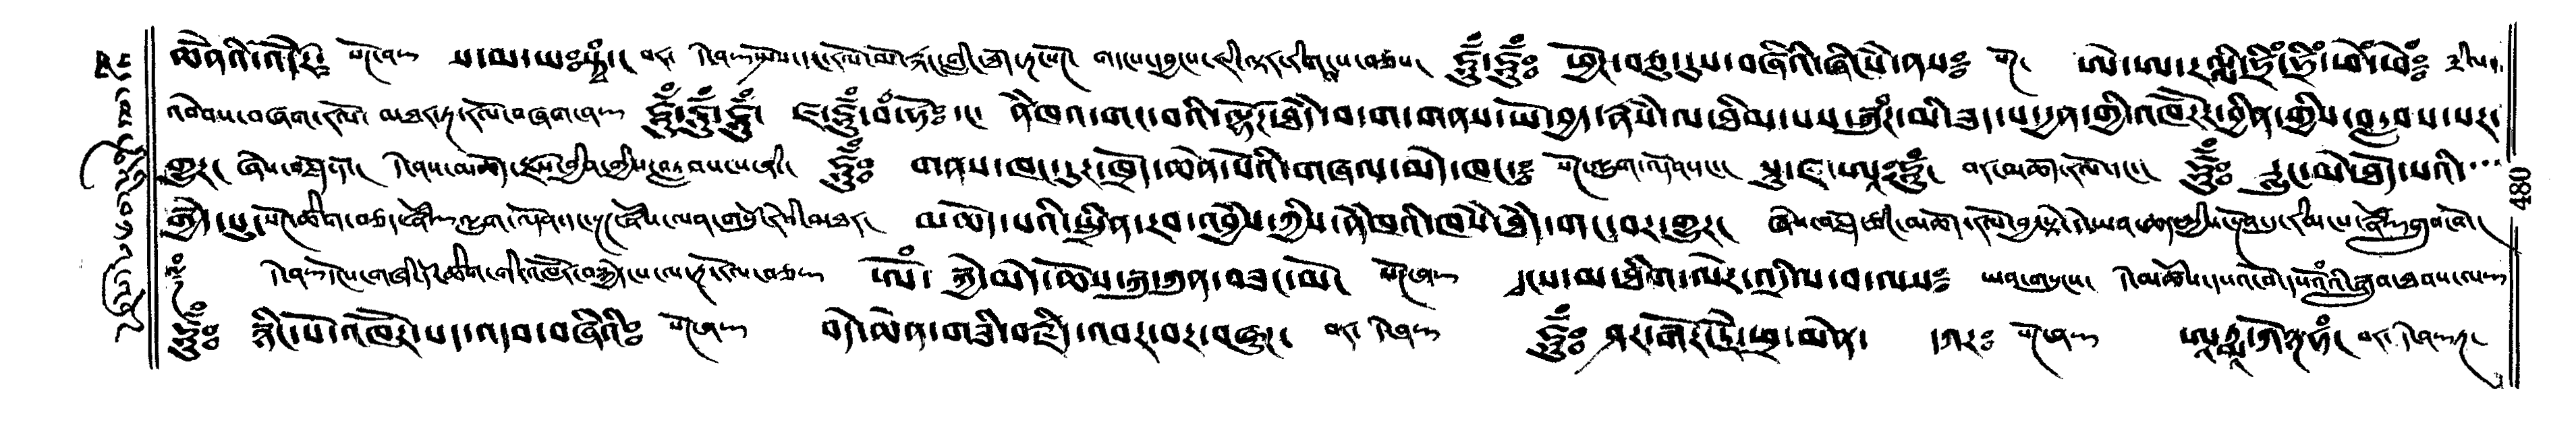ཆེན་པོའི་འོད་ཟེར༴ སོགས་ནས། ས་མ་ཡཿསྟྭཾ། བར། དཻ་ནས་སྤོས་དང་རོལ་མོ་རྐང་གླིང་ཐོད་རྔ་སོགས། གདངས་དབྱངས་ཇི་ལྟར་རིགས་པ་བཅས། ཧཱུྃ་ཧཱུྃ༔ ཕྱོགས་བཅུ་དུས་བཞིའི་ཞིངས་ཁམས་ནས༔ སོགས། ཨེ་ཨ་རལླི་ཧྲིཾ་ཧྲིཾ་ཕེཾ་ཕེཾ༔ ཟིལ་
འབེབས་བཞག་རོལ་མཐར་རྔ་རོལ་བཞག་ནས། ཧཱུྃ་ཧཱུྃ་ཧཱུྃ༔ ཛཿཧཱུྃ་བཾ་ཧོ༔ད ང་། ནམ་མཁའ་གང་བའི་ལྷ་ཚོགས་ཐམས་ཅད་བདག་གནས་ཡོ་བྱད་རྣམས་ལ་ཐིམ་པས་སྐུ་གསུང་ཐུགས་མི་ཟད་པ་རྒྱན་གྱི་འཁོར་ལོར་བྱིན་གྱིས་བརླབས་པར་
གྱུར། ཞེས་བརྗོད་དོ། དེ་ནས་མཆོད་རྫས་བྱིན་གྱིས་རློབ་པ་ནི། ཧཱུྃ༔ གནས་ཁང་དུར་ཁྲོད་ཆེན་པོའི་གཞལ་མེད་ཁང་༔ སོགས་ལྷུག་འདོན་དང་། པཱུ་ཛ་ཨཱཿཧཱུྃ༔ བར་མཆོད་རོལ་དང་། ཧཱུྃ༔ རླུང་མེ་ཐོད་པའི་
སྒྱེད་པུ༴ སོགས་ཚིག་བཅད་རྣམས་ལྷུག་འདོན་དང་སྔགས་རྣམས་ལན་གསུམ་རེའི་མཐར། མཆོད་པའི་སྤྲིན་རབ་འབྱམས་ཀྱིས་ནམ་མཁའི་ཁམས་ཐམས་ཅད་གང་བར་གྱུར། ཞེས་བརྗོད་ཅིང་མཆོད་རོལ་བྱ་སྟེ་དེ་ཡན་ཆད་ཀྱིས་སྔོན་འགྲོའི་རིམ་པ་རྣམས་གྲུབ་བོ།། 
༈ དེ་ནས་དངོས་གཞི་དམ་ཚིག་གི་འཁོར་ལོ་སྐྱེད་པ་ལ་རྔ་རོལ་བཅས། ཨོཾ༔ སྐྱེ་མེད་ཆོས་སྐུ་ཀུན་བཟང་མོ༔ སོགས་ནས། དྭངས་མ་ཐིག་ལེར་འདྲིལ་བ་ལས༔ ཡན་གསུངས། དེ་མཚམས་དཔའ་བོ་དཔའ་མོའི་སྒྲུབ་ཐབས་ལས། 
ཧཱུྃ༔ སྙིང་པོ་འཁོར་ལོ་པད་འདབ་བཞིའི༔ སོགས་ནས། བདེ་ཆེན་གཟི་བརྗིད་འབར་བ་བཞུགས༔ བར་དེ་ནས། ཧཱུྃ༔ ཤར་སྒོར་རྡོ་རྗེ་ཕྲ་མེན་དཀར༔ སོགས་ནས། ཨཱཏྨཱ་ཀོ྅་ཧཾ༔ བར། དེ་ནས་རྔ